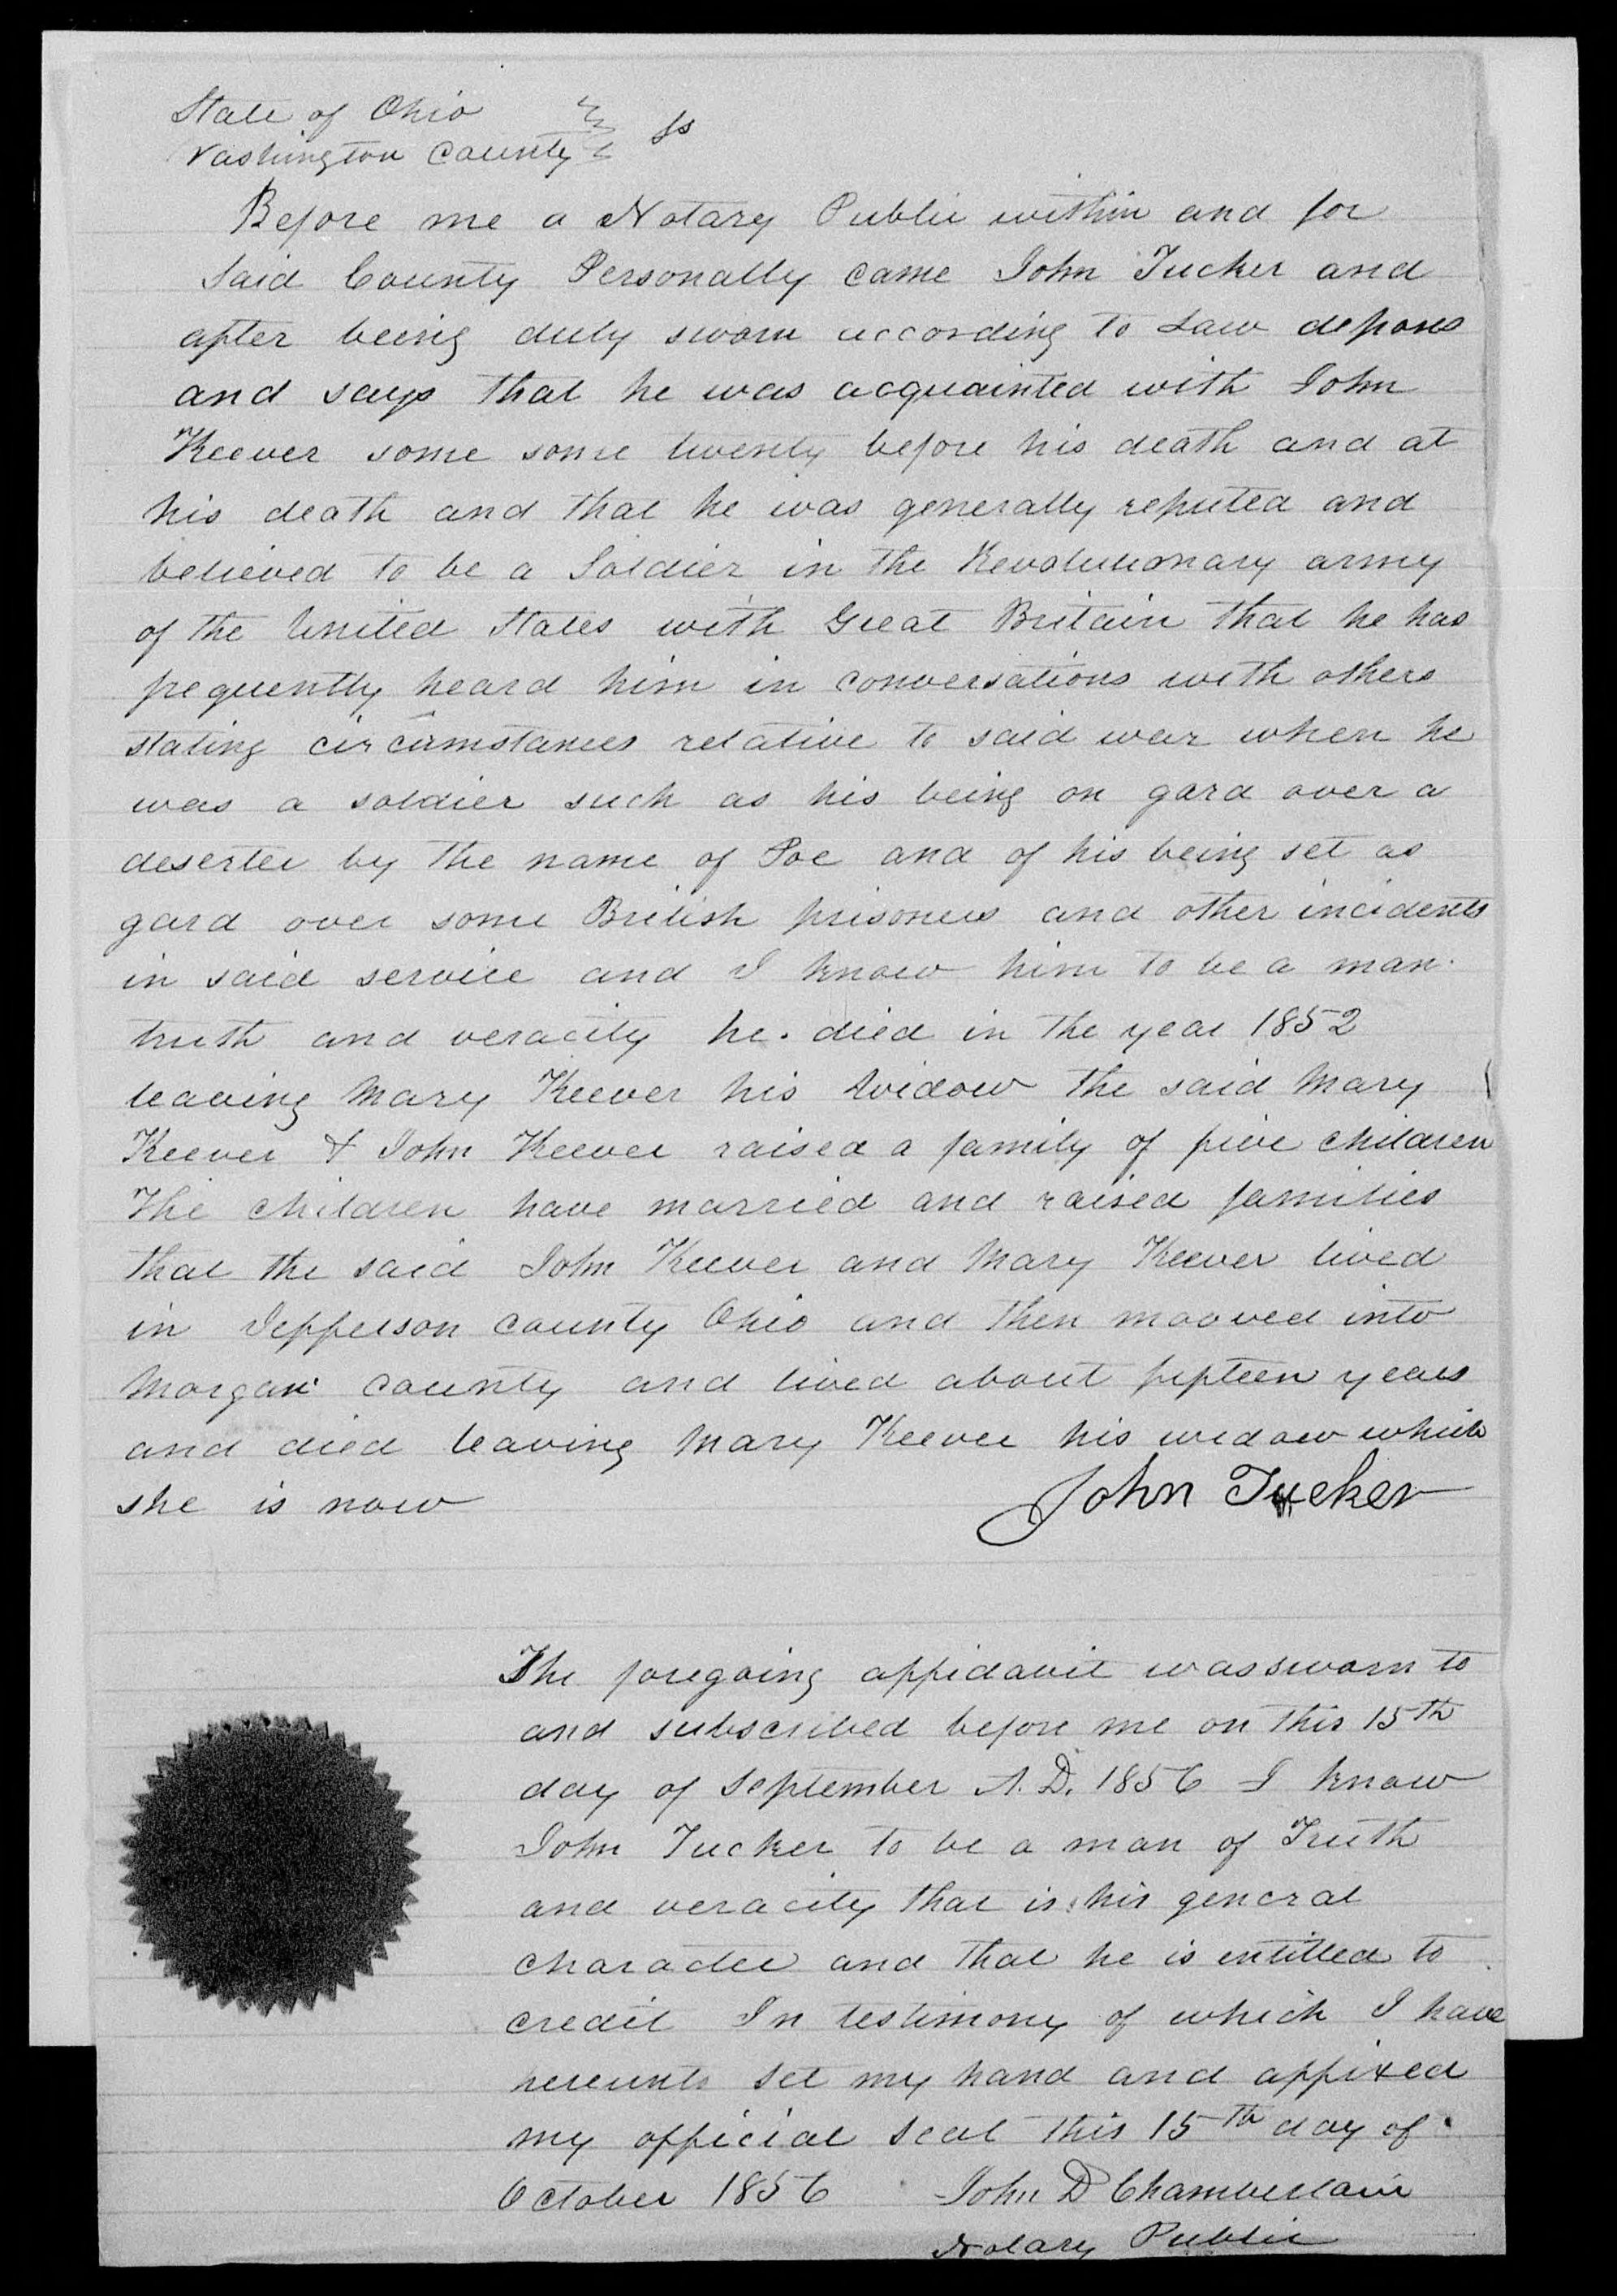State of Ohio 
Washington County } ss
Before me a Notary Public within and for 
said County Personally came John Tucker and 
after being duly sworn according to Law deposes 
and says that he was acquainted with John Keever some some twenty before his death and at 
his death and that he was generally reputed and 
believed to be a Soldier in the Revolutionary army 
of the United States with Great Britain that he has 
frequently heard him in conversations with others 
stating circumstances relative to said war when he 
was a soldier such as his being on gard over a 
deserter by the name of Poe and of his being set as 
gard over some British prisoners and other incidents 
in said service and I know him to be a man [of]
truth and veracity he died in the year 1852 
leaving Mary Keever his widow the said Mary Keever & John Keever raised a family of five 
children 
The children have married and raised families 
that the said John Keever and Mary Keever lived in 
Jefferson County Ohio and then moved into 
Morgan County and lived about fifteen years and  
died leaving Mary Keever his widow which 
she is now 
John Tucker 
The foregoing affidavit was sworn to 
and subscribed before me on this 15th 
day of September A.D. 1856. I know 
John Tucker to be a man of truth 
and veracity that is his general 
character and that he is entitled to 
credit. In testimony of which I have 
hereunto set my hand and affixed 
my official seal this 15th day of 
October 1856 
John D Chamberlain 
Notary Public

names: John D Chamberlain; John Keever; Mary Keever; John Tucker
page: 22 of 33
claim: rejected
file: R. 5814, for John Keever, Maryland